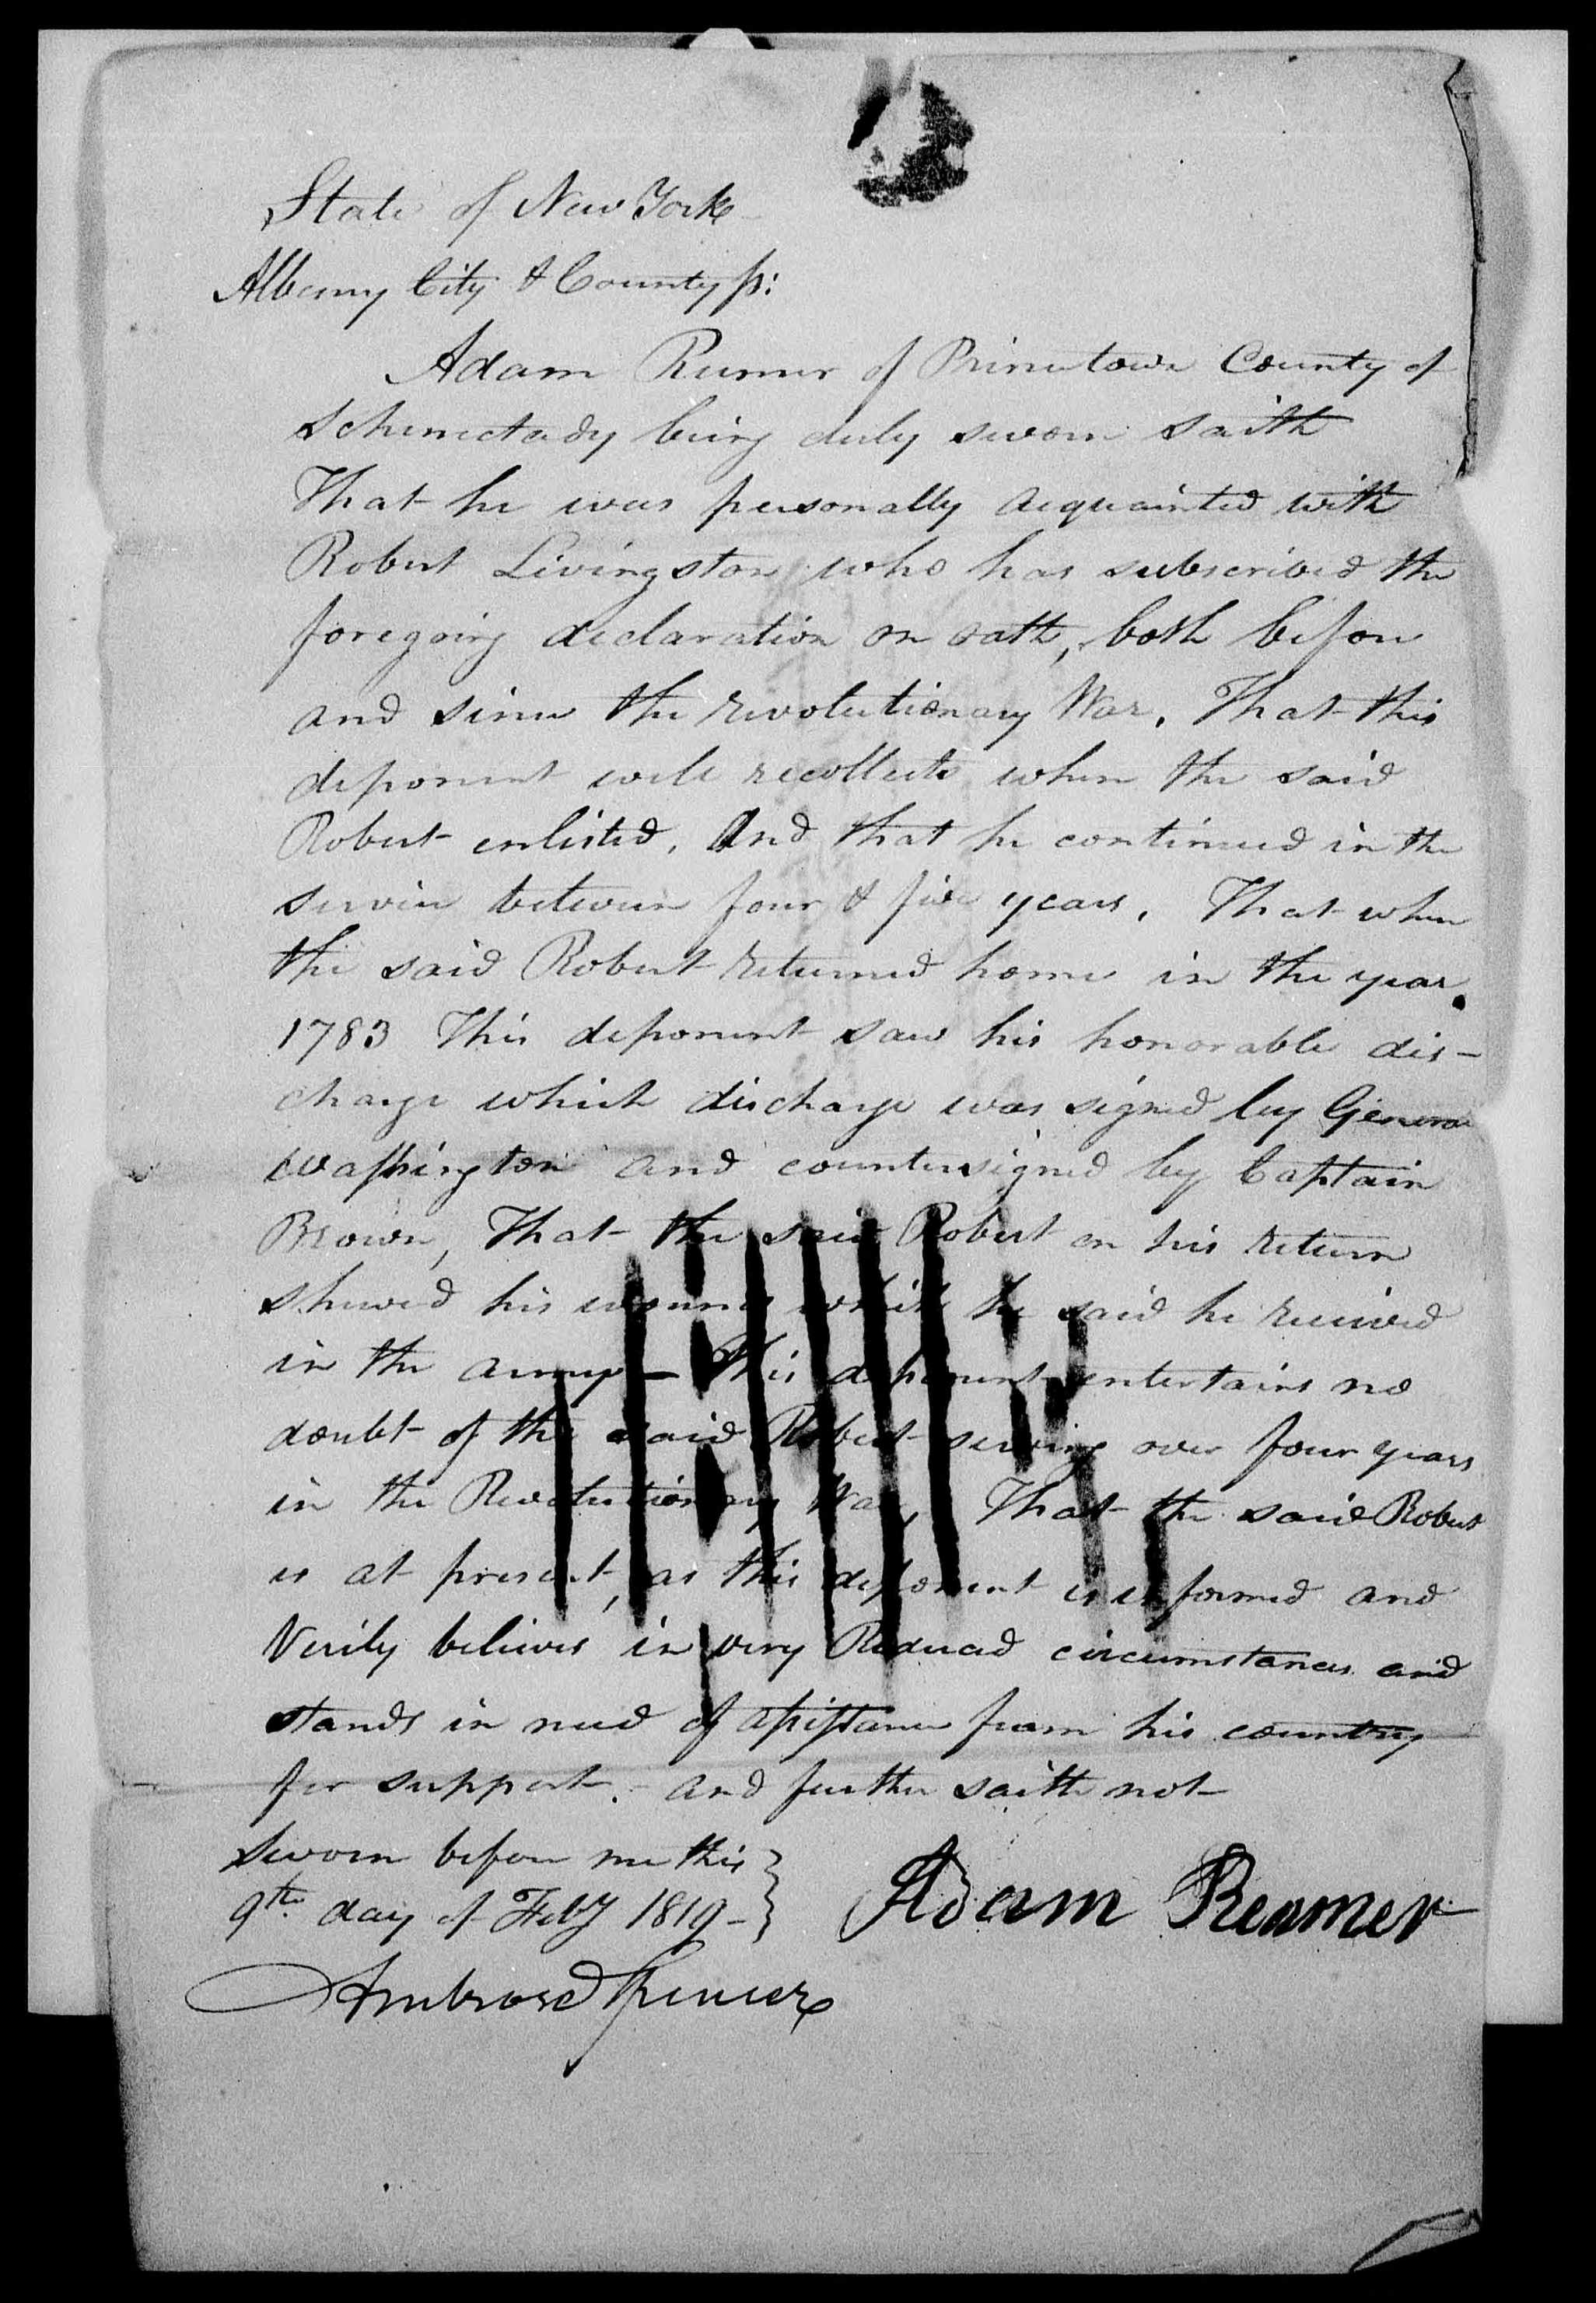State of New York 
Albany City & County ss: 
Adam Reemer of Princetown County of Schenectady being duly sworn saith That he was personally acquainted with Robert Livingston who has subscribed the foregoing declaration on oath, both before and since the Revolutionary War. That this deponent well recollects when the said Robert enlisted. And that he continued in the service between four & five years. That when the said Robert Returned home in the year 1783 this deponent saw his honorable discharge which discharge was signed by General Washington and countersigned by Captain Brown, That the said Robert on his return shewed his wound which he said he received in the army. This deponent entertains no doubt of the said Robert serving over four years in the Revolutionary War. That the said Robert is at present, as this deponent is informed and Verily believes in very Reduced circumstances and stands in need of assistance from his country for support. And further saith not.
Adam Reamer
Sworn before me this }
9th day of Feby 1819 }
Ambrose Spencer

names: Ambrose Spencer; Adam Rumer; [BLANK] Washington; Robert Livingston; [BLANK] Brown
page: 19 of 23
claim: survivor's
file: S 42874, for Robert Livingston, Maryland